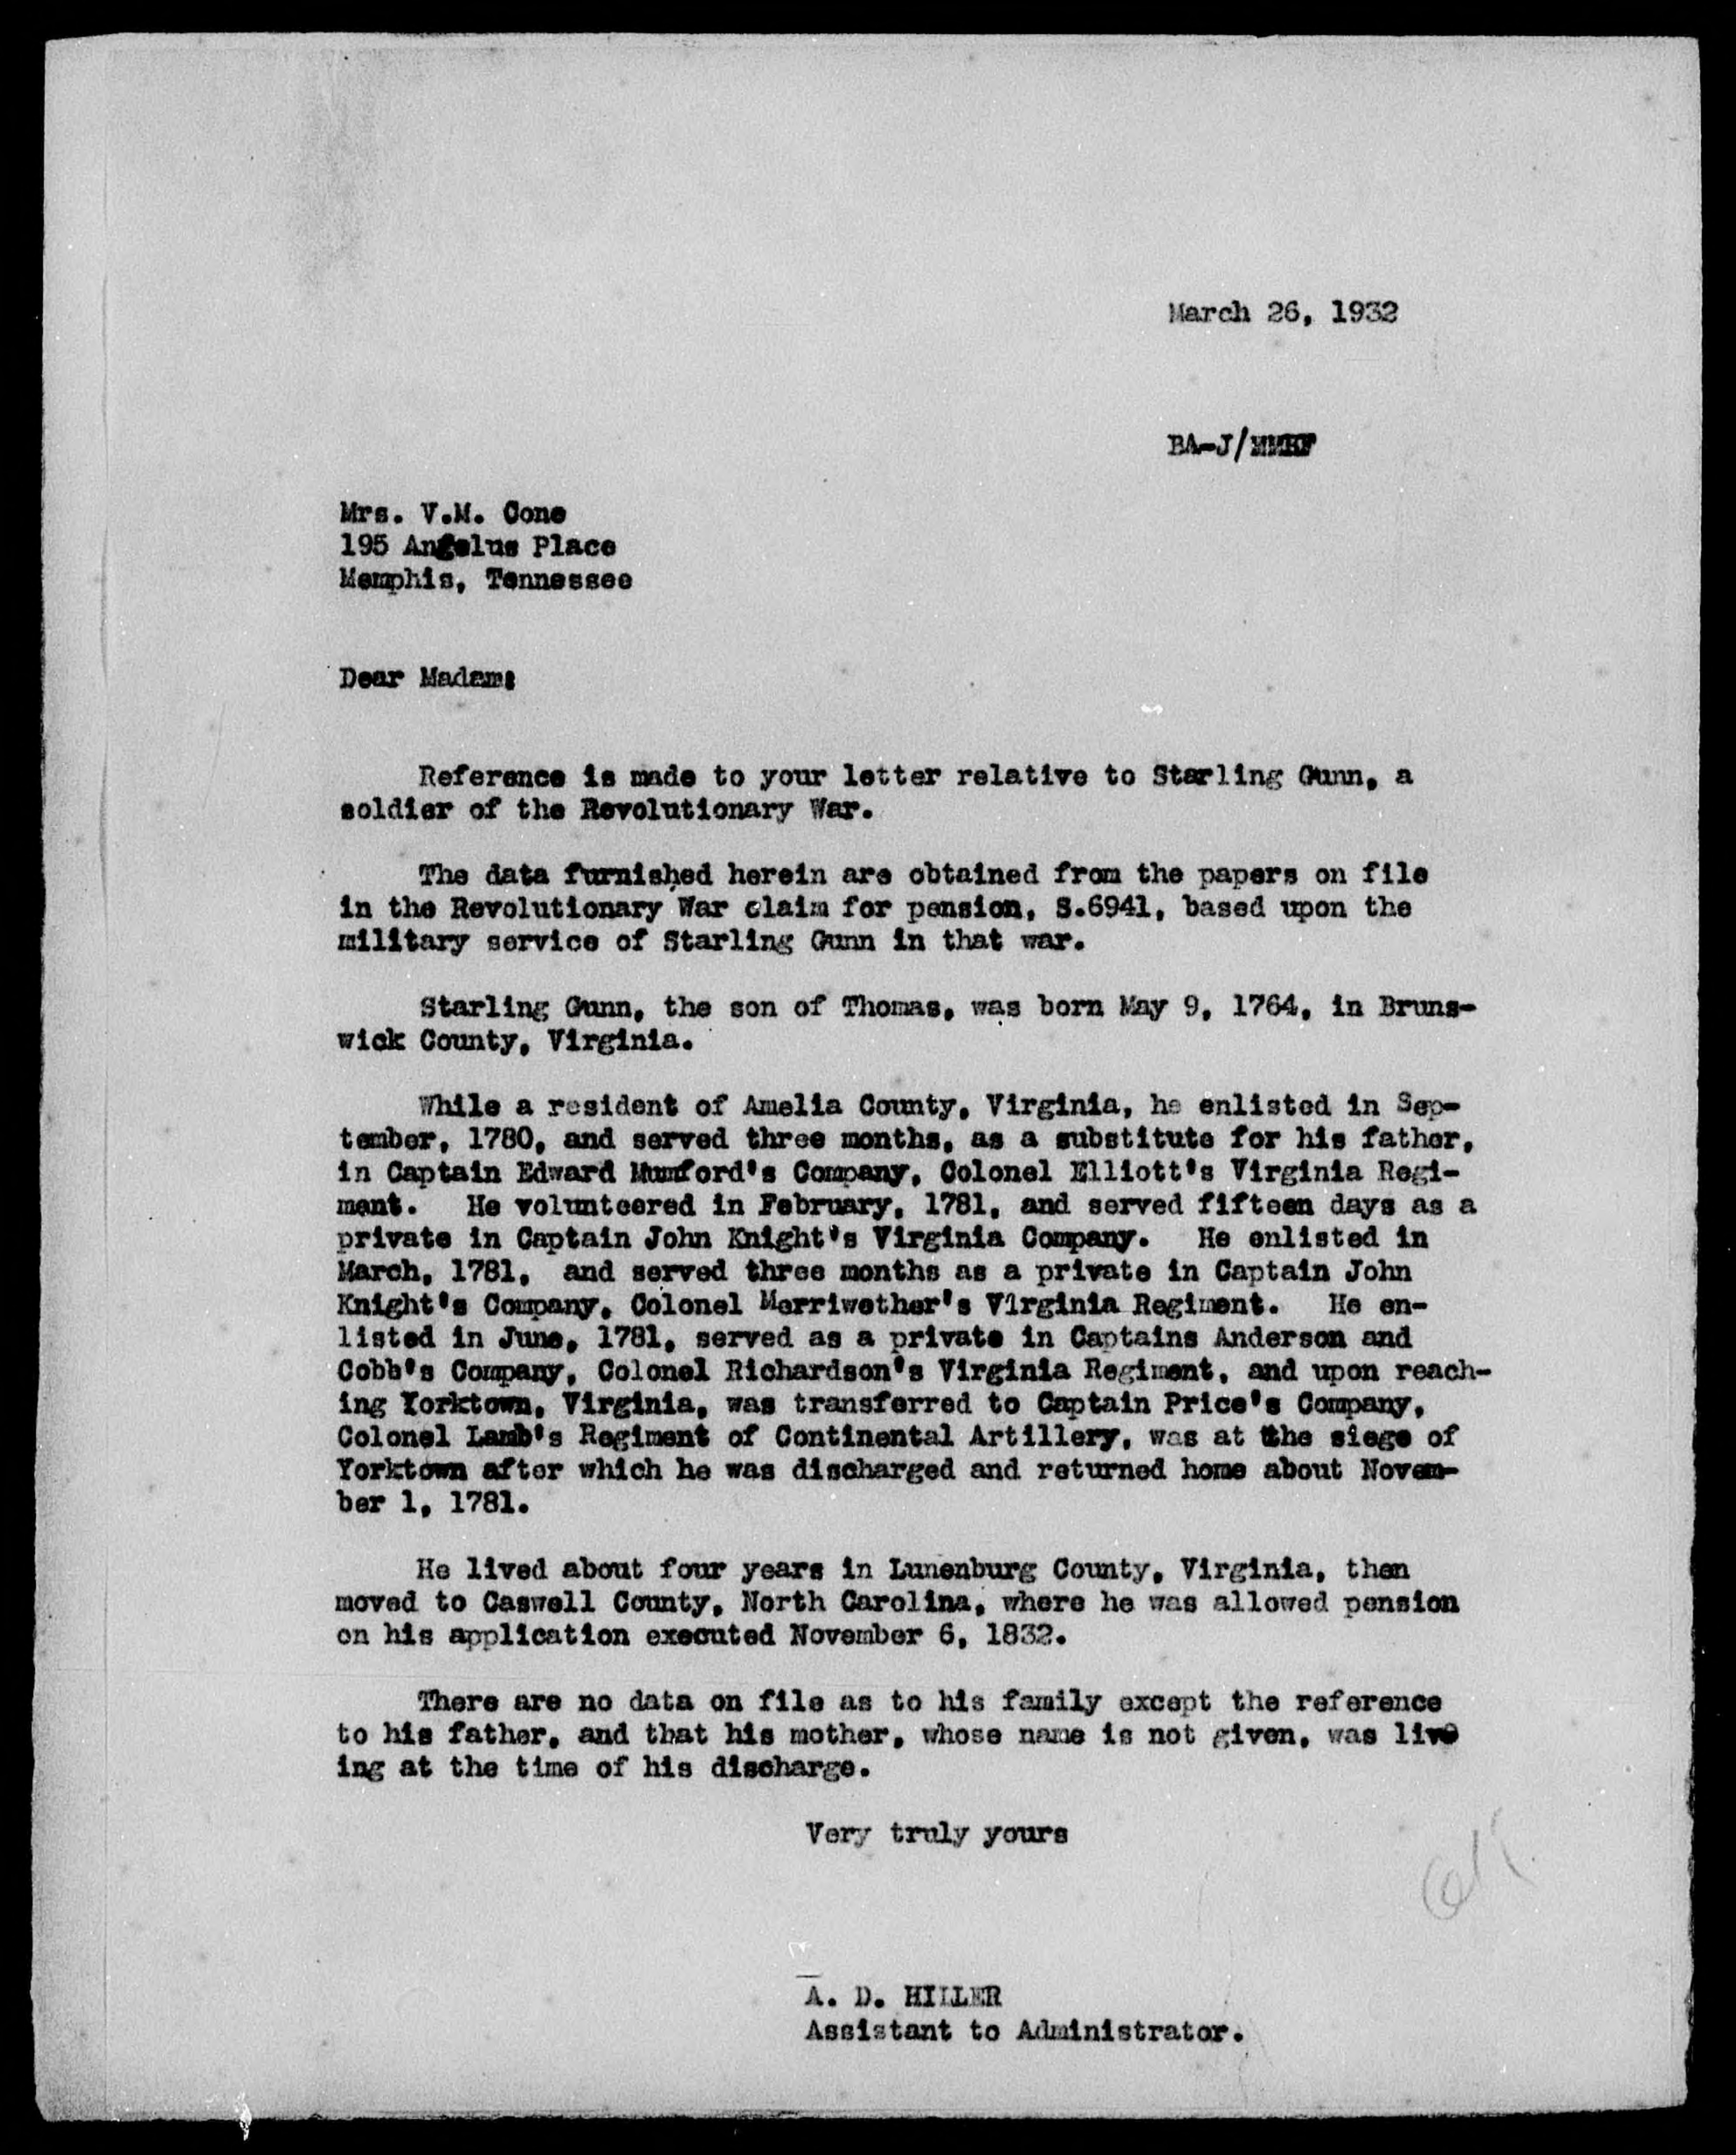March 26, 1932 BA-J/MMRF
Mrs. V. M. Cone 195 Angelus Place Memphis, Tennessee 
Dear Madam:  Reference is made to your letter relative to Starling Gunn, a soldier of the Revolutionary War. 
The data furnished herein are obtained from the papers on file in the Revolutionary War claim for pension, S.6941, based upon the military service of Starling Gunn in that war. 
Starling Gunn, the son of Thomas, was born May 9, 1764, in Brunswick County, Virginia. 
While a resident of Amelia County, Virginia, he enlisted in September , 1780, and served three months, as a substitute for his father, in Captain Edward Mumford's Company, Colonel Elliott's Virginia Regiment. He volunteered in February, 1781, and served fifteen days as a private in Captain John Knight's Virginia Company. He enlisted in March, 1781, and served three months as a private in Captain John Knight's Company, Colonel Merriwether's Virginia Regiment. He listed in June, 1781, served as a private in Captains Anderson and Cobb's Company, Colonel Richardson's Virginia Regiment, and upon reaching Yorktown, Virginia, was transferred to Captain Price's Company, Colonel Lamb's Regiment of Continental Artillery, was at the siege of Yorktown after which he was discharged and returned home about November 1, 1781. 
He lived about four years in Lunenburg County, Virginia, then on his application executed November 6, 1832. 
There are no data on file as to his family except the reference moved to Caswell County, North Carolina, where he was allowed pension to his father, and that his mother, whose name is not given, was live ing at the time of his discharge. 
Very truly yours 
A. D. HILLER 
Assistant to Administrator. 
[Margin note: illegible]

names: Starling Gunn, A D Hiller, V M Cone, Anderson, Thomas, Starling Gunn, Starling Gunn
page: 25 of 58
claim: survivor's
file: S. 6,941, Starling Gunn, Continental Va.